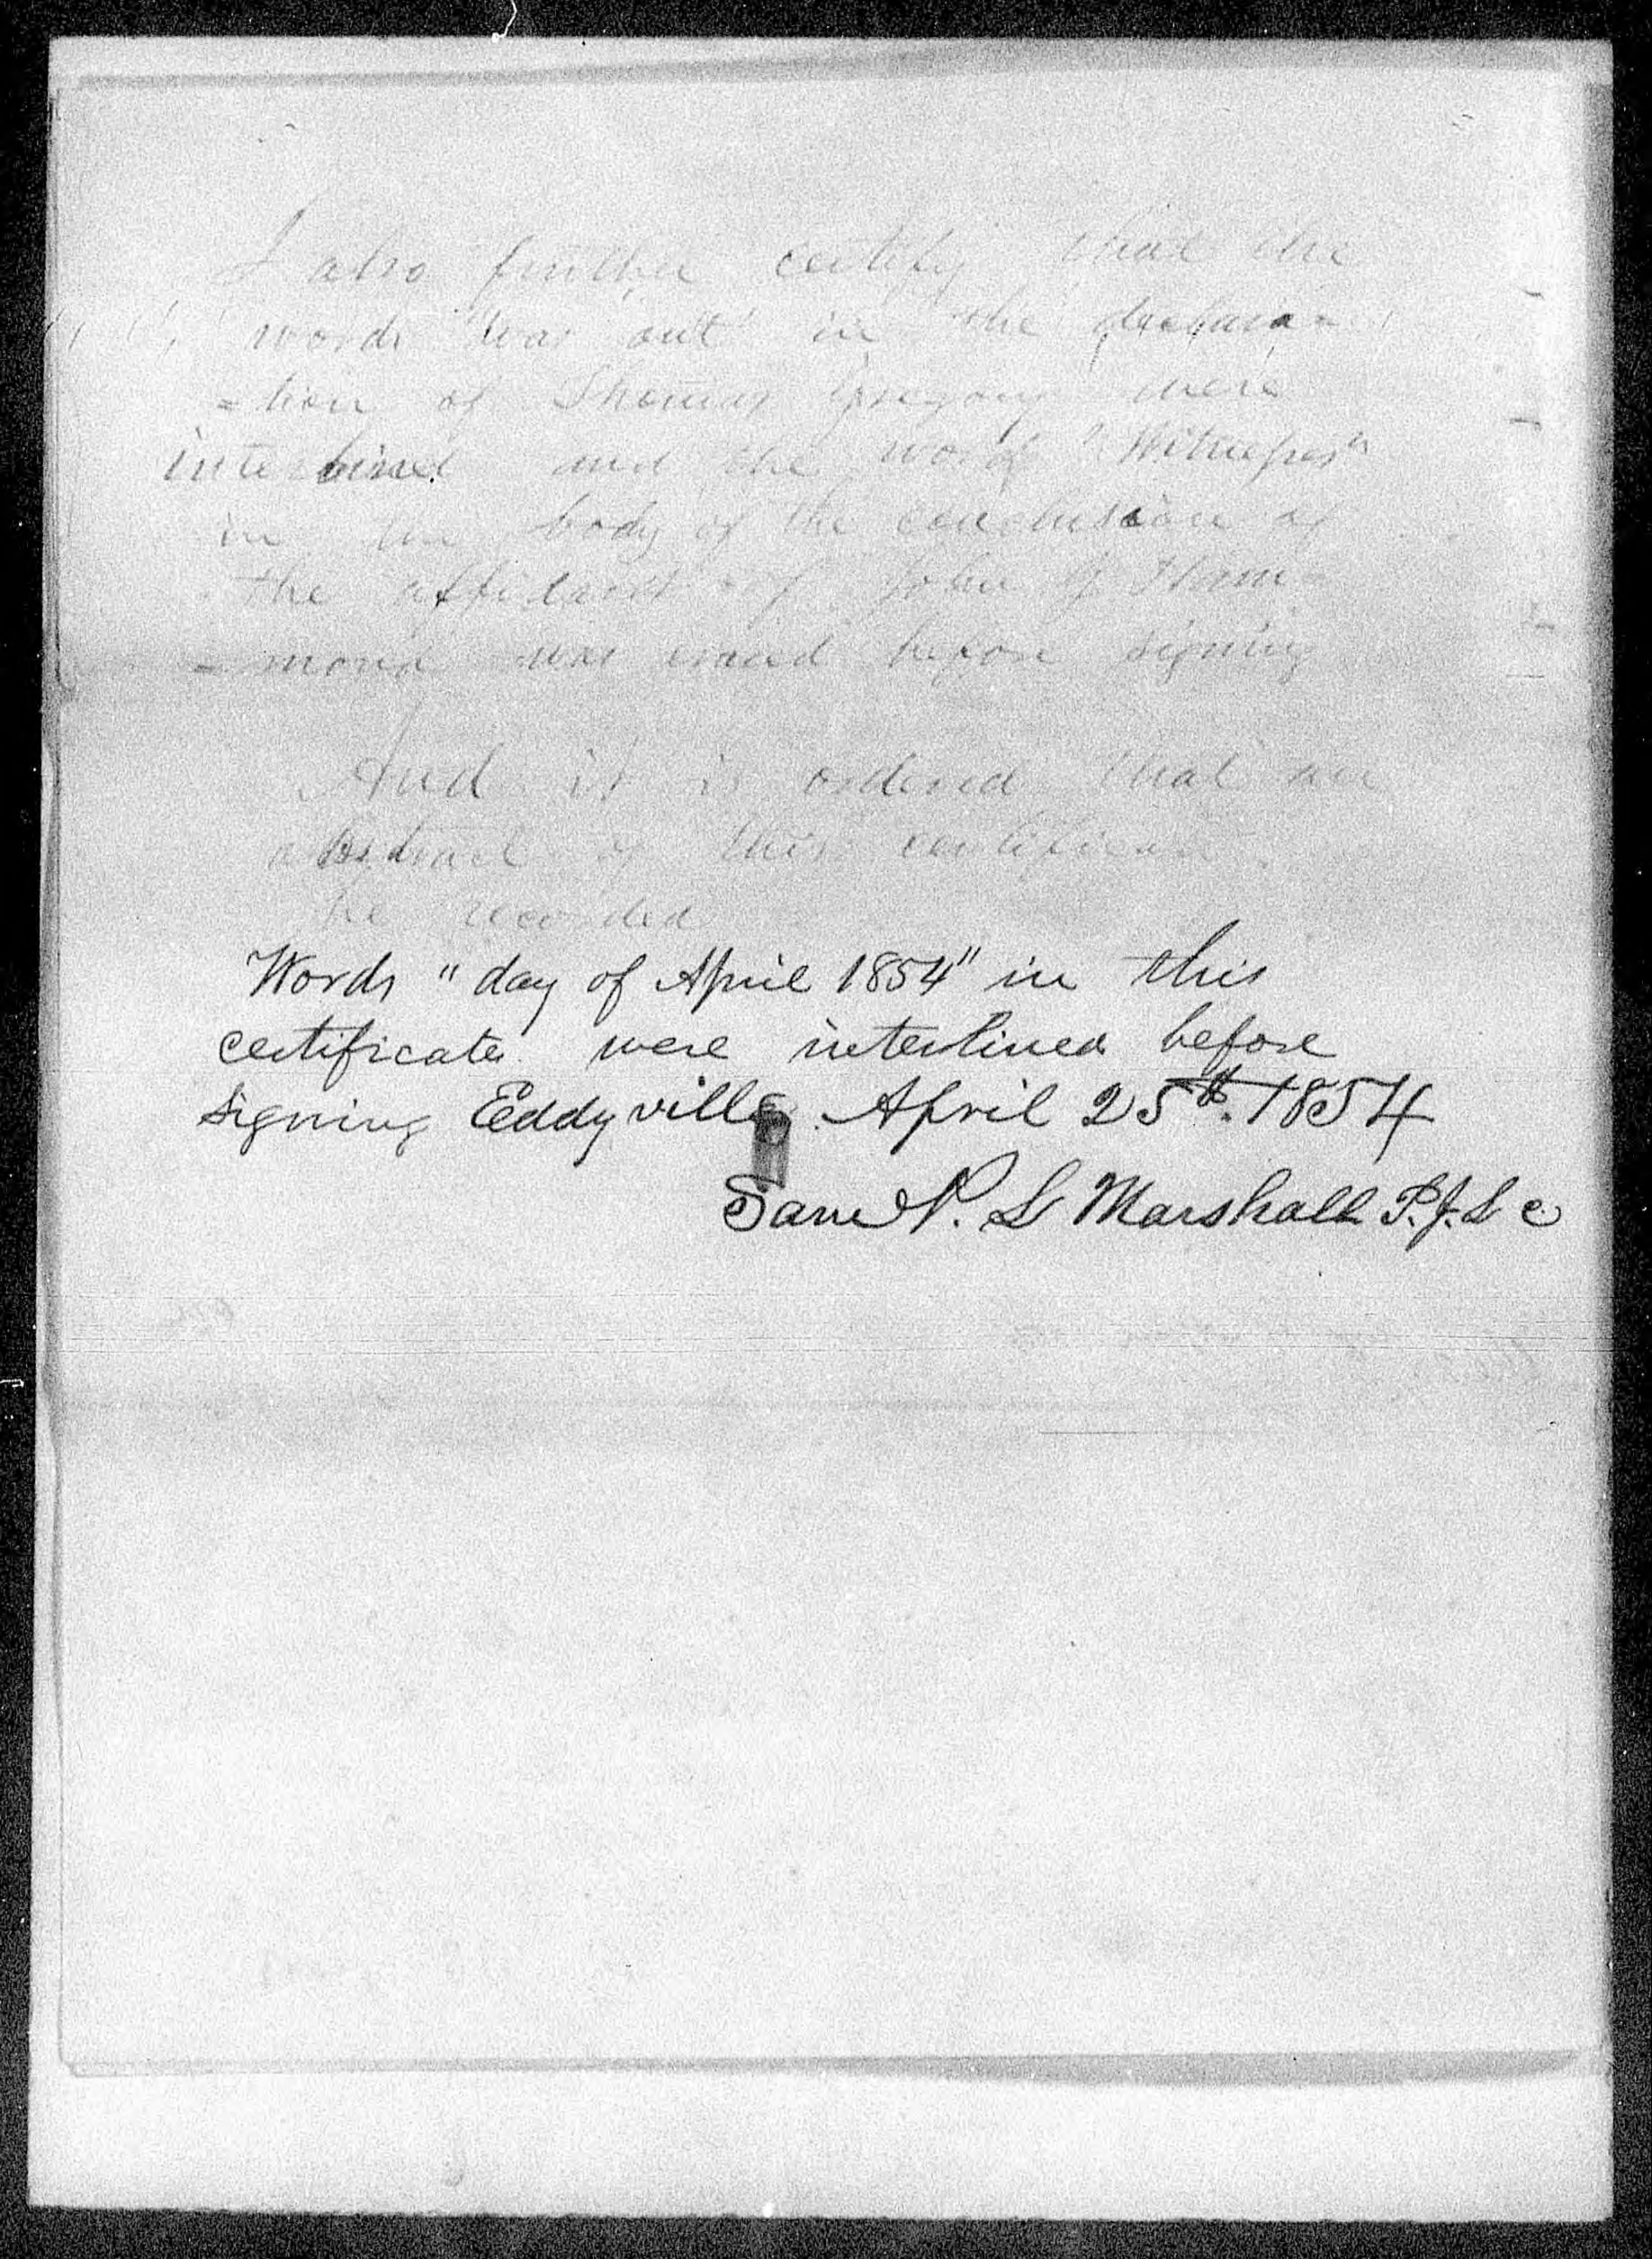I also further certify that the words 'was out' in the declaration above of Thomas Gregory were interlined and the words "Witnesses" in the body of the conclusion of the affidavit of John G. Hammond was erased before signing
And it is ordered that an abstract of this certificate be recorded
Words "day of April 1854" in this certificate were interlined before signing Eddyville April 25th 1854
Sam'l P. S Marshall P.J.SC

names: Thomas Gregory, Eddy Ville, John G Hammond, Saml P L Marshall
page: 74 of 75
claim: widow's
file: W. 8876, Thomas Gregory, Continental Va